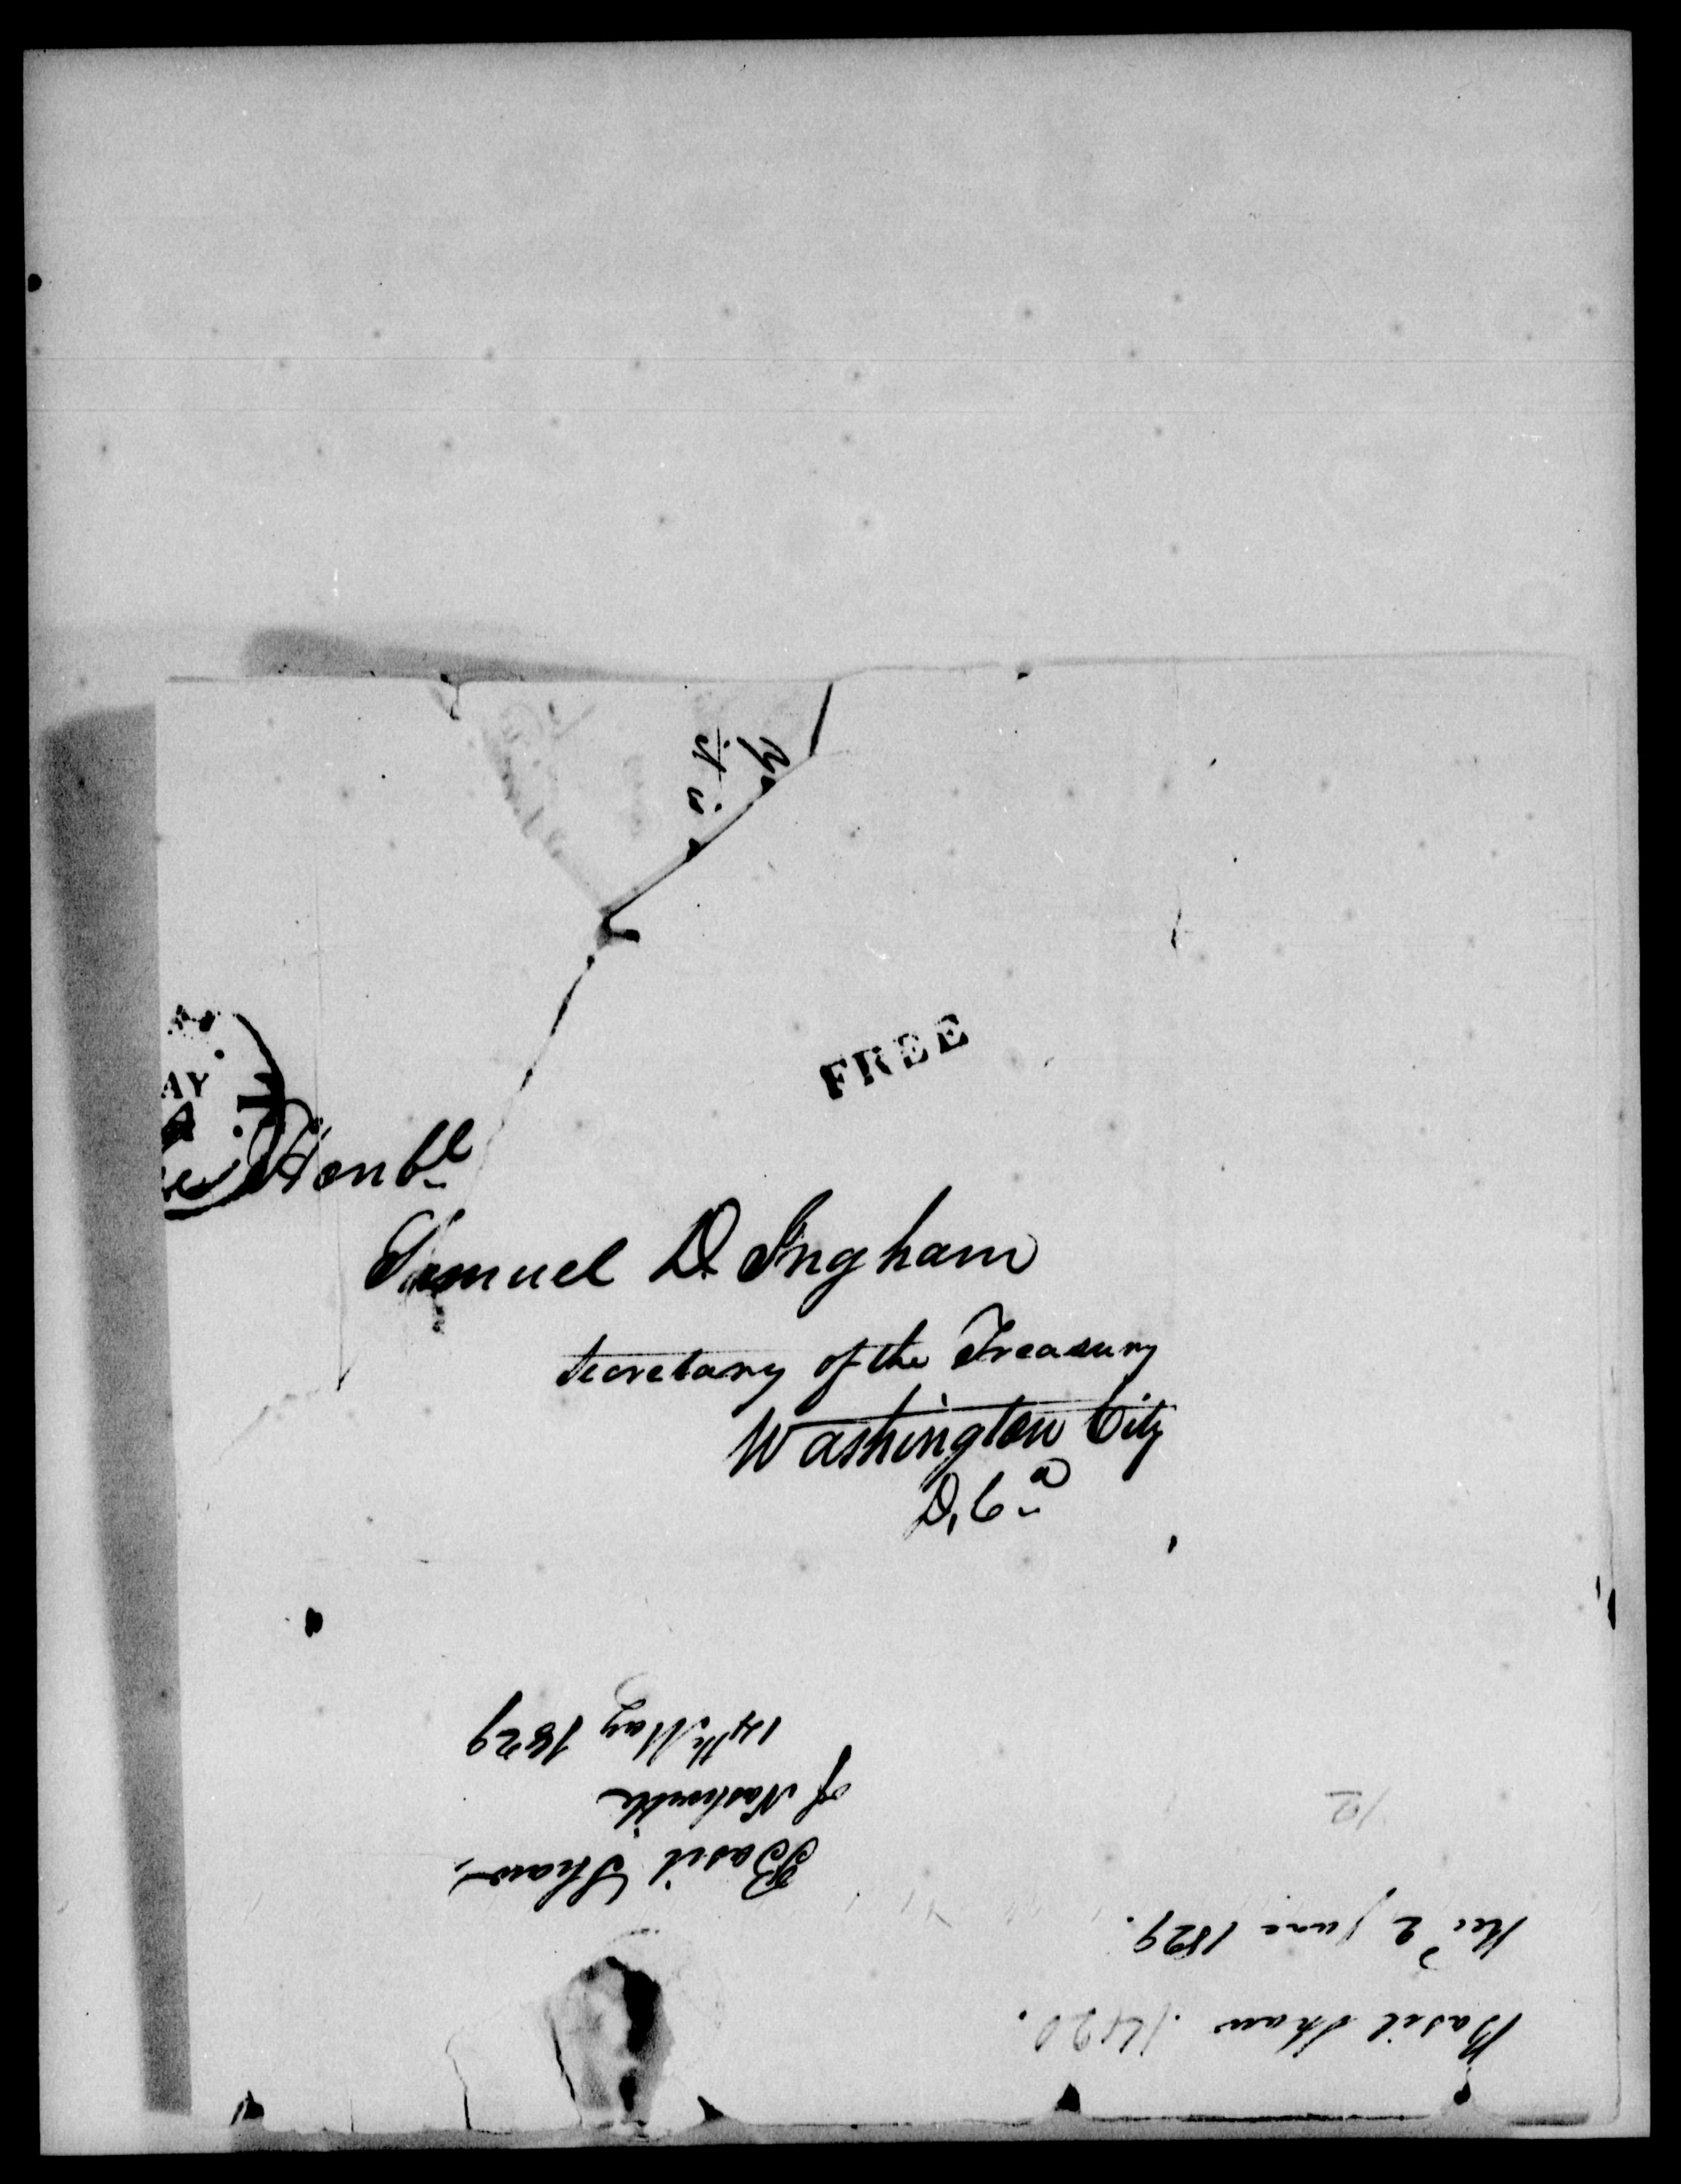[stamp ]FREE
Honbl. Samuel D Ingham
Secretary of the Treasury
Washington City D.C.

Basil Shaw,
of Nashville
14th May 1829

Basil Shaw 1420
Rec’d 2 June 1829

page: 19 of 32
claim: survivor's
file: S. 16,526, for Basil Shaw, Maryland